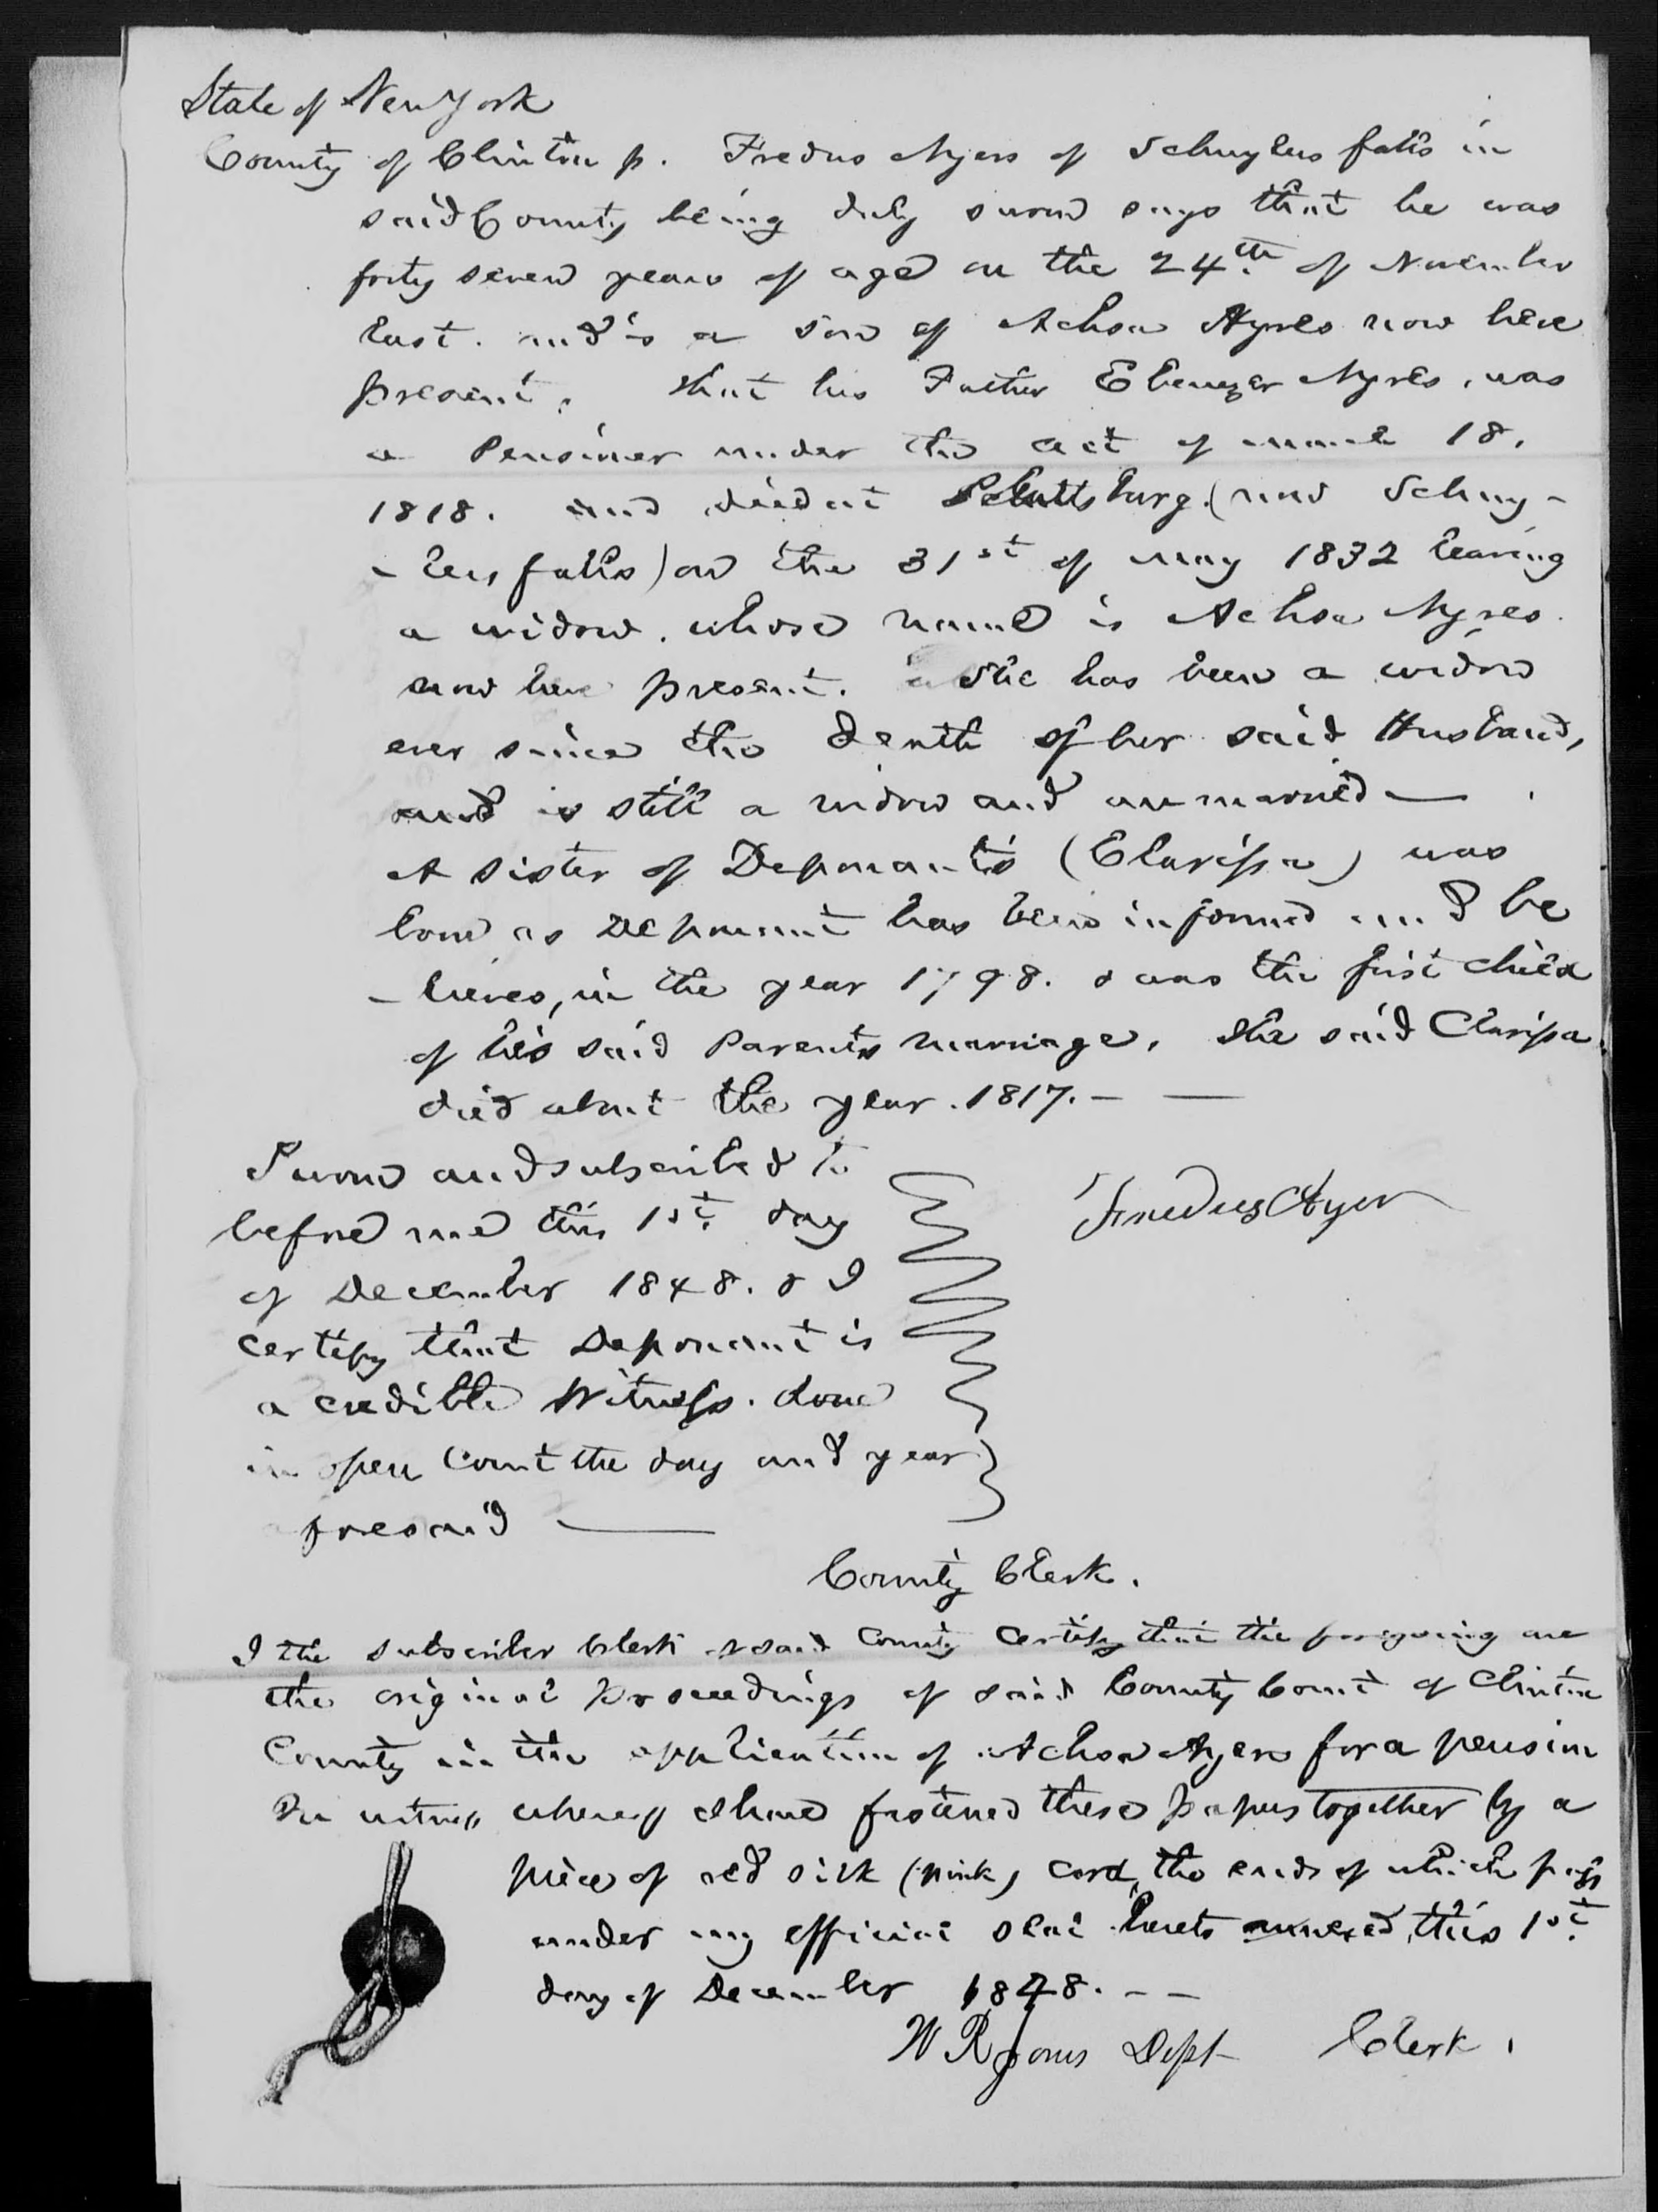State of New York
County of Clinton ss.
Fredus Ayres [Ayers] of Schuylers falls in said County being duly sworn says that he was forty seven years of age on the 24th of November last, and is a son of Achsa Ayers now here present.  That his Father Ebenezer Ayres, was a Pensioner under the act of March 18, 1818, and died at Plattsburg (now Schuylers falls) on the 31st of May 1832 leaving a widow, whose name is Achsa Ayers, now here present.  She has been a widow ever since the death of her said Husband, and is still a widow and unmarried.
A sister of Deponant's [Deponent's] (Clarissa) was  born as Deponant has been informed & believes, in the year 1798, & was the first child of his said parents marriage.  The said Clarissa died about the year 1817.
Fredus Ayers
Sworn and subscribed to before me this}
1st day of December 1848, & I certify that}
Deponant is a credible witness done in open}
Court the day and year aforesaid--}
County Clerk.
I the subscriber Clerk of said County certify that the foregoing are the original proceedings of said County Court of Clinton County in the application of Achsa Ayers for a pension.  In witness whereof I have fastened these papers together by a piece of red silk (pink) cord, the ends of which pass under my official seal hereto annexed, this 1st day of December 1848.
W R Jones Dept Clerk.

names: Achsa Ayres, Achsa Ayres, Fredus Ayers, Ebenezer Ayres, Fredus Ayer, W R Jones, Achsa Ayers, Clarissa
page: 15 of 50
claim: widow's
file: W. 8559, Ebenezer Ayer, Continental (Conn)